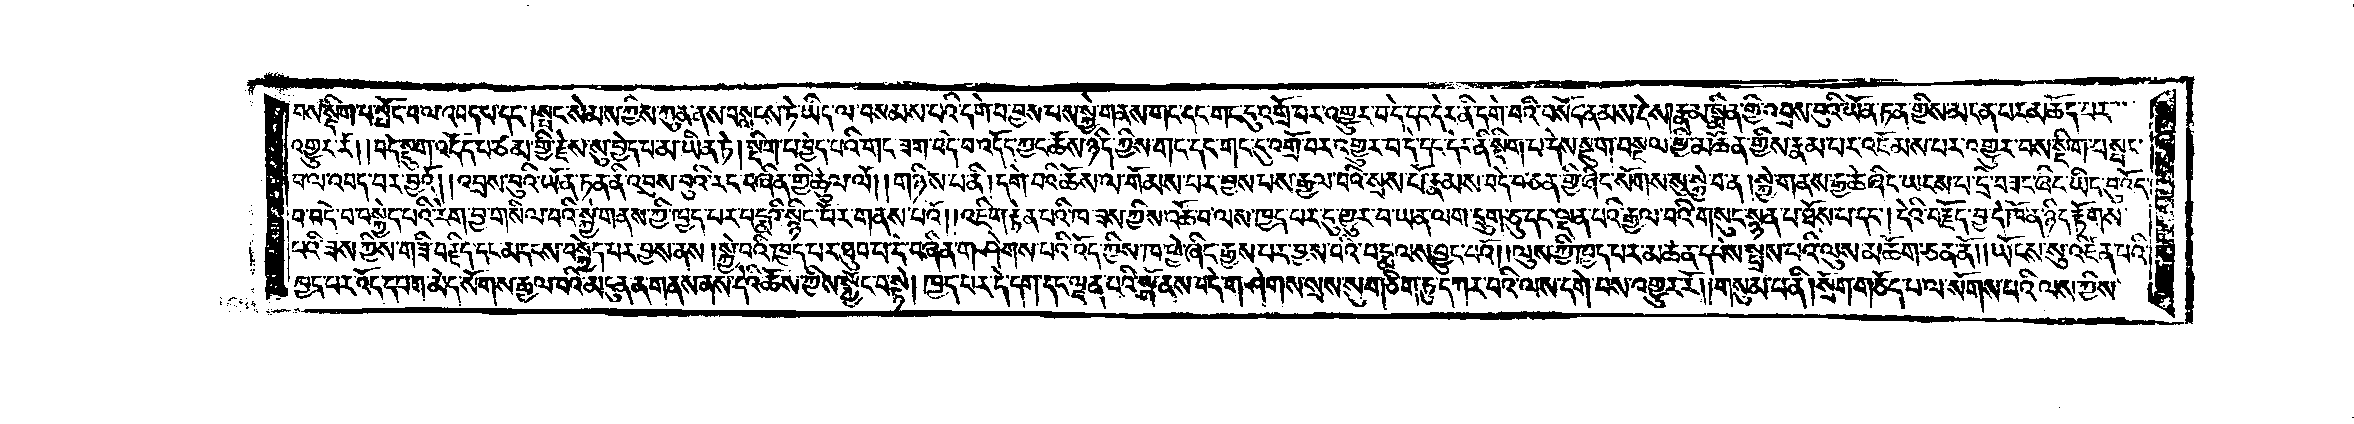པས་སྡིག་པ་སྤོང་བ་ལ་འབད་པ་དང་། སྤང་སེམས་ཀྱིས་ཀུན་ནས་བསླངས་ཏེ་ཡིད་ལ་བསམས་པའི་དགེ་བ་བྱས་པ་སྐྱེ་གནས་གང་དང་གང་དུ་འགྲོ་བར་འགྱུར་བ་དེ་དང་དེར་ནི་དགེ་བའི་བསོད་ནམས་དེས། རྣམ་སྨིན་གྱི་འབྲས་བུའི་ཡོན་ཏན་གྱིས་མངན་པར་མཆོད་པར་
འགྱུར་རོ། །བདེ་སྡུག་འདོད་པ་ཙམ་གྱི་རྗེས་སུ་བྱེད་པ་མ་ཡིན་ཏེ། སྡིག་པ་བྱེད་པའི་གང་ཟག་བདེ་བ་འདོད་ཀྱང་ཆོས་ཉིད་ཀྱིས་གང་དང་གང་དུ་འགྲོ་བར་འགྱུར་བ་དེ་དང་དེར་ནི་སྡིག་པ་དེས་སྡུག་བསྔལ་གྱི་མཚོན་གྱིས་རྣམ་པར་འཇོམས་པར་འགྱུར་བས་སྡིག་པ་སྤང་
བ་ལ་འབད་པར་བྱའོ། །འབྲས་བུའི་ཡོན་ཏན་ནི་འབྲས་བུའི་རང་བཞིན་གྱི་ཚུལ་ལོ། །གཉིས་པ་ནི། དགེ་བའི་ཆོས་ལ་གོམས་པར་བྱས་པས་རྒྱལ་བའི་སྲས་པོ་རྣམས་བདེ་བ་ཅན་ཞིང་སོགས་སུ་སྐྱེ་བ་ན། སྐྱེ་གནས་རྒྱ་ཆེ་ཞིང་ཡངས་པ་དྲི་བཟང་ཞིང་ཡིད་བུ་འོང་
བ་བདེ་བ་བསྐྱེད་པའི་རེག་བྱ་གསིལ་པའི་སྐྱེ་གནས་ཀྱི་ཁྱད་པར་པདམའི་སྙིང་པོར་གནས་པའོ། །འཇིག་རྟེན་པའི་ཁ་ཟས་ཀྱིས་འཚོ་བ་ལས་ཁྱད་པར་དུ་གྱུར་པ་ཡན་ལག་དྲུག་ཅུ་དང་ལྡན་པའི་རྒྱལ་བའི་གསུང་སྙན་པ་ཐོས་པ་དང་། དེའི་བརྗོད་བྱ་དེ་ཁོ་ན་ཉིད་རྟོགས་
པའི་ཟས་ཀྱི་གཟི་བརྗིད་དང་མདངས་བསྐྱེད་པར་བྱས་ནས། སྐྱེ་བའི་ཁྱད་པར་ཐུབ་པ་དེ་བཞིན་གཤེགས་པའི་འོད་ཀྱིས་ཁ་ཕྱེ་ཞིང་རྒྱས་པར་བྱས་པའི་པདམ་ལས་བྱུང་བའོ། །ལུས་ཀྱི་ཁྱད་པར་མཚན་དཔེས་སྤྲས་པའི་ལུས་མཆོག་ཅན་ནོ། །ཡོངས་སུ་འཛིན་པའི་
ཁྱད་པར་འོད་དཔག་མེད་སོགས་རྒྱལ་བའི་མདུན་ན་གནས་ནས་དེའི་ཆོས་ཀྱིས་སྐྱོང་བ་སྟེ། ཁྱད་པར་དེ་དག་དང་ལྡན་པའི་སྒོ་ནས་བདེ་གཤེགས་སྲས་སུ་གཅིག་ཏུ་དཀར་བའི་ལས་དགེ་བས་འགྱུར་རོ། །གསུམ་པ་ནི། སྲོག་གཅོད་པ་ལ་སོགས་པའི་ལས་ཀྱིས་